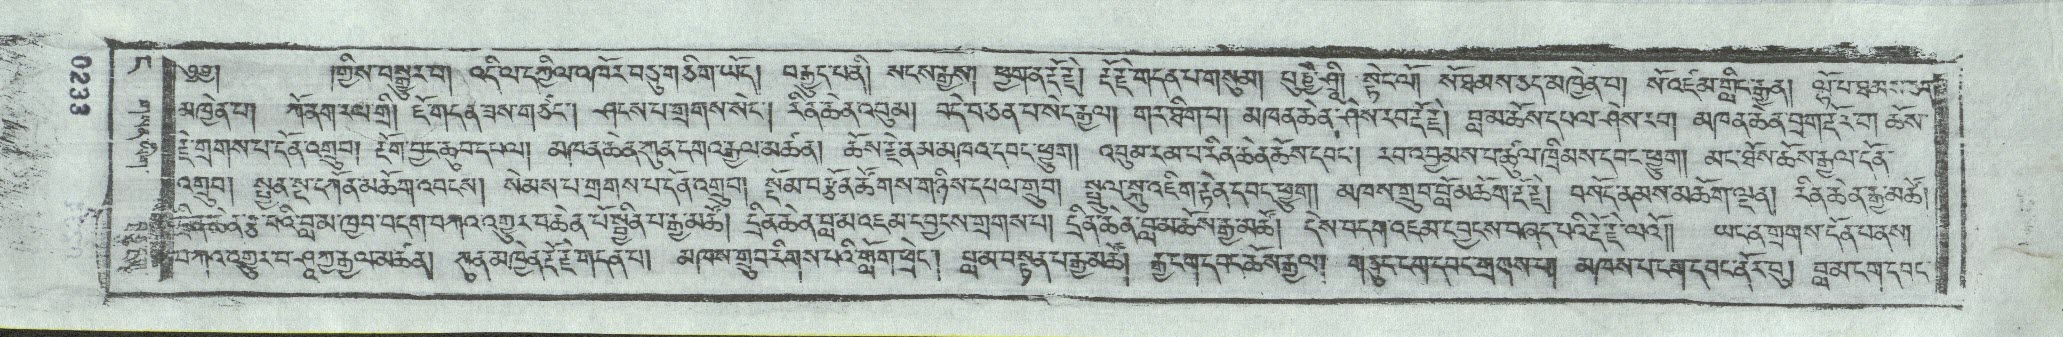༄༅། །གྱིས་བསྒྱུར་པ། འདི་ལ་དཀྱིལ་འཁོར་བཅུ་གཅིག་ཡོད། བརྒྱུད་པ་ནི། སངས་རྒྱས། ཕྱག་ན་རྡོ་རྗེ། རྡོ་རྗེ་གདན་པ་གསུམ། པུཎྱཻ་ཤྲཱི། སྟོང་ལོ། སོ་ཐམས་ཅད་མཁྱེན་པ། སོ་འཛམ་གླིང་རྒྱས། ལྷོ་པ་ཐམས་ཅད་
མཁྱེན་པ། གོ་ནག་རལ་གྲི། ཇོ་གདན་ཟས་གཙང་། ཤངས་པ་གྲགས་སེང་། རིན་ཆེན་འབུམ། བདེ་བ་ཅན་པ་སེང་རྒྱལ། གར་ཐིག་པ། མཁན་ཆེན་ཤེས་རབ་རྡོ་རྗེ། བླ་མ་ཆོས་དཔལ་ཤེས་རབ། མཁན་ཆེན་བྲག་རྡོར་?་ཆོས་
རྗེ་གྲགས་པ་དོན་འགྲུབ། ?རྗོག་བྱང་ཆུབ་དཔལ། མཁན་ཆེན་ཀུན་དགའ་རྒྱལ་མཚན། ཆོས་རྗེ་ནམ་མཁའ་དབང་ཕྱུག། འབུམ་རམ་པ་རིན་ཆེན་ཆོས་དབང་། རབ་འབྱམས་པ་ཚུལ་ཁྲིམས་དབང་ཕྱུག། མང་ཐོས་ཆོས་རྒྱལ་དོན་
འགྲུབ། སྤྱན་སྔ་དཀོན་མཆོག་འབངས། སེམས་པ་གྲགས་པ་དོན་འགྲུབ། སྡོམ་བརྩོན་ཚོགས་གཉིས་དཔལ་གྲུབ། སྤྲུལ་སྐུ་འཇིག་རྟེན་དབང་ཕྱུག། མཁས་གྲུབ་བློ་མཆོག་རྡོ་རྗེ། བསོད་ནམས་མཆོག་ལྡན། རིན་ཆེན་རྒྱ་མཚོ།
དྲིན་ཆེན་རྩ་བའི་བླ་མ་ཁྱབ་བདག་བཀའ་འགྱུར་བ་ཆེན་པོ་སྤྱིན་པ་རྒྱ་མཚོ། དྲིན་ཆེན་བླ་མ་འཇམ་དབྱངས་གྲགས་པ། དྲིན་ཆེན་བླ་མ་ཆོས་རྒྱ་མཚོ། དེས་བདག་འཇམ་དབྱངས་བཞད་པའི་རྡོ་རྗེ་ལའོ།། ཡང་ན་གྲགས་དོན་པ་ནས།
བཀའ་འགྱུར་བ་ཤཱཀྱ་རྒྱལ་མཚན། དུན་མཁྱེན་རྡོ་རྗེ་གདན་པ། མཁས་གྲུབ་རིགས་པའི་གློག་ཕྲེང་། བླ་མ་བསྟན་པ་རྒྱ་མཚོ། རྒྱ་ངག་དབང་ཆོས་རྒྱལ། གཅུང་ངག་དབང་གྲགས་པ། མཁས་པ་ངག་དབང་ནོར་བུ། བླ་མ་ངག་དབང་